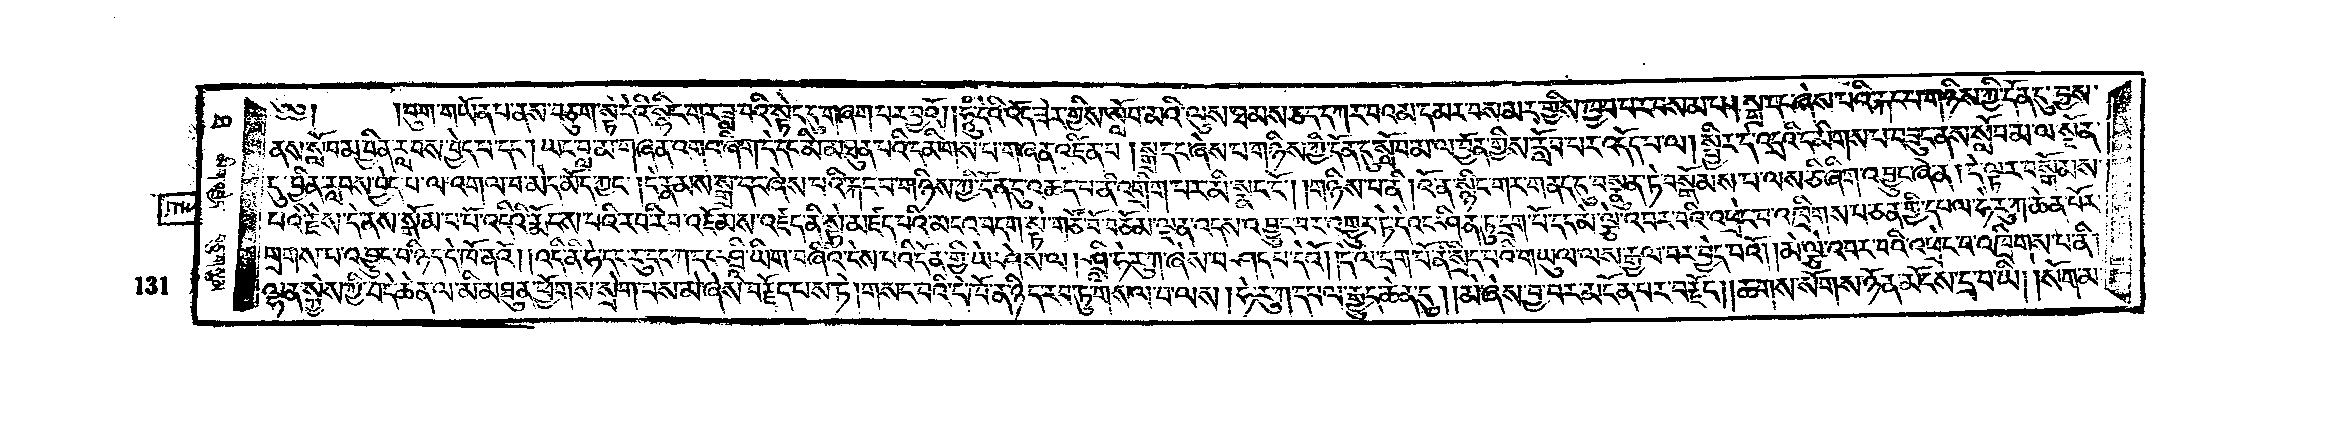༄༅། །བུག་གཡོན་པ་ནས་བཅུག་སྟེ་དེའི་སྙིང་གར་ཟླ་བའི་སྟེང་དུ་གཞག་པར་བྱའོ། །ཧཱུཾ་དེའི་འོད་ཟེར་གྱིས་སློབ་མའི་ལུས་ཐམས་ཅད་དཀར་བའམ་དམར་བས་མར་གྱིས་ཁྱབ་པར་བསམ་པ། སྒྲ་དང་ཞེས་པའི་རྐང་པ་གཉིས་ཀྱི་དོན་དུ་བྱས་
ནས་སློབ་མ་བྱིན་རླབས་བྱེད་པ་དང་། ཡང་བླ་མ་གཞན་འགའ་ཞིག་དེ་དང་མི་མཐུན་པའི་དམིགས་པ་གཞན་འཛིན་པ། སྒྲ་དང་ཞེས་པ་གཉིས་ཀྱི་དོན་དུ་སློབ་མ་ལ་བྱིན་གྱིས་རློབ་པར་འདོད་པ་ལ། སྤྱིར་དེ་འདྲའི་དམིགས་པ་བཟུང་ནས་སློབ་མ་ལ་སྔོན་
དུ་བྱིན་རླབས་བྱེད་པ་ལ་འགལ་བ་མེད་མེད་ཀྱང་། དེ་རྣམས་སྒྲ་དང་ཞེས་པའི་རྐང་པ་གཉིས་ཀྱི་དོན་དུ་འཆད་པ་ནི་འགྲིག་པར་མི་སྣང་ངོ། །གཉིས་པ་ནི། འོ་ན་སྙིང་གར་གནད་དུ་བསྣུན་ཏེ་བསྒོམས་པ་ལས་ཅི་ཞིག་འབྱུང་ཞེ་ན། དེ་ལྟར་བསྒོམས་
པའི་རྗེས་དེ་ནས་སྒོམ་པ་པོ་འདིའི་རྨོངས་པའི་རབ་རིབ་འཇོམས་འཛད་ནི་སྟེ་མཛད་པའི་མངའ་བདག་སྟེ་གཙོ་བོ་བཅོམ་ལྡན་འདས་འབྱུང་བར་འགྱུར་ཏེ་དེའང་ཤིན་ཏུ་དྲག་པོ་དང་མེ་ལྕེ་འབར་བའི་འཕྲེང་བ་འཁྲིགས་པ་ཅན་གྱི་དཔལ་ཧེ་རུ་ཀ་ཆེན་པོར་
གྲགས་པ་འབྱུང་བ་ཉིད་དེ་ཁོ་ནའོ། །འདི་ནི་ཧེ་དང་རུ་དང་ཀ་དང་ཤྲཱི་ཡིག་བཞིའི་ངེས་པའི་དོན་གྱི་ཡེ་ཤེས་ལ། ཤྲཱི་ཧེ་རུ་ཀ་ཞེས་བཤད་པ་དེའོ། །དེ་ལ་དྲག་པོ་ནི་སྲིད་པའི་གཡུལ་ལས་རྒྱལ་བར་བྱེད་པའོ། །མེ་ལྕེ་འབར་བའི་འཕྲེང་བ་འཁྲིགས་པ་ནི།
ལྷན་སྐྱེས་ཀྱི་བདེ་ཆེན་ལ་མི་མཐུན་ཕྱོགས་སྲེག་པས་མེ་ཞེས་བརྗོད་པས་ཏ། གསང་བའི་དེ་ཁོ་ན་ཉིད་རབ་ཏུ་གསལ་བ་ལས། ཧེ་རུ་ཀ་དཔལ་རྒྱུད་ཆེན་དུ། །མེ་ཞེས་བྱ་བར་མངོན་པར་བརྗོད། །ཆགས་སོགས་ཉོན་མོངས་དྲ་བ་ཡི། །སོག་མ་